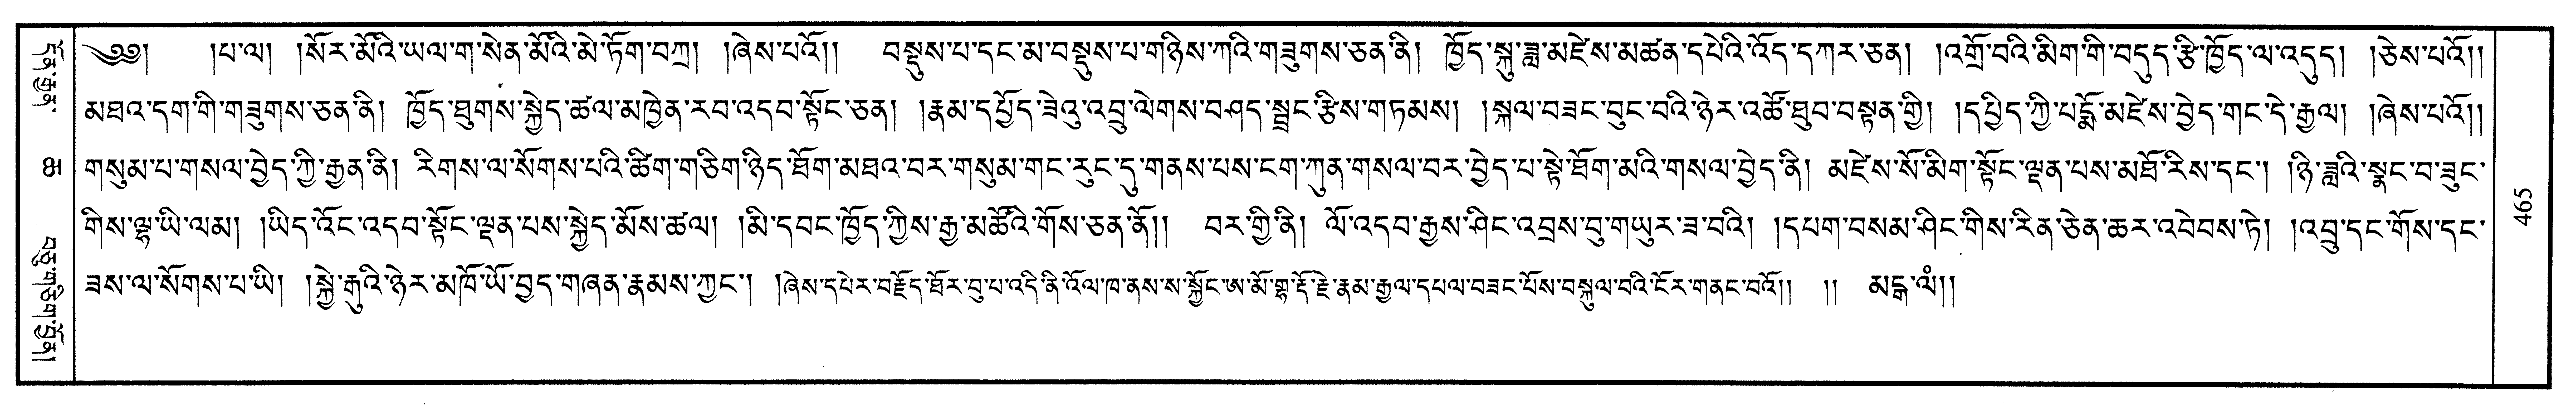༄༅། །པ་ལ། །སོར་མོའི་ཡལ་ག་སེན་མོའི་མེ་ཏོག་བཀྲ། །ཞེས་པའོ། །བསྡུས་པ་དང་མ་བསྡུས་པ་གཉིས་ཀའི་གཟུགས་ཅན་ནི། ཁྱོད་སྐུ་ཟླ་མཛེས་མཚན་དཔེའི་འོད་དཀར་ཅན། །འགྲོ་བའི་མིག་གི་བདུད་རྩི་ཁྱོད་ལ་འདུད། །ཅེས་པའོ།།
མཐའ་དག་གི་གཟུགས་ཅན་ནི། ཁྱོད་ཐུགས་སྐྱེད་ཚལ་མཁྱེན་རབ་འདབ་སྟོང་ཅན། །རྣམ་དཔྱོད་ཟེའུ་འབྲུ་ལེགས་བཤད་སྦྲང་རྩིས་གཏམས། །སྐལ་བཟང་བུང་བའི་ཉེར་འཚོ་ཐུབ་བསྟན་གྱིས། །དཔྱིད་ཀྱི་པདམོ་མཛེས་བྱེད་གང་དེ་རྒྱལ། །ཞེས་པའོ།།
གསུམ་པ་གསལ་བྱེད་ཀྱི་རྒྱན་ནི། །རིགས་ལ་སོགས་པའི་ཚིག་གཅིག་ཉིད་ཐོག་མཐའ་བར་གསུམ་གང་རུང་དུ་གནས་པས་ངག་ཀུན་གསལ་བར་བྱེད་པ་སྟེ་ཐོག་མའི་གསལ་བྱེ༣ད་ནི། མཛེས་སོ་མིག་སྟོང་ལྡན་པས་མཐོ་རིས་དང་། །ཉི་ཟླའི་སྣང་བ་ཟུང་
གིས་ལྷ་ཡི་ལམ། །ཡིད་འོང་འདབ་སྟོང་ལྡན་པས་སྐྱེད་མོས་ཚལ། །མི་དབང་ཁྱོད་ཀྱིས་རྒྱ་མཚོའི་གོས་ཅན་ནོ།། བར་གྱི་ནི། ལོ་འདབ་རྒྱས་ཤིང་འབྲས་བུ་གཡུར་ཟ་བའི། །དཔག་བསམ་ཤིང་གིས་རིན་ཅེན་ཆར་འབེབས་ཏེ། །འབྲུ་དང་གོས་དང་
ཟས་ལ་སོགས་པ་ཡི། །སྐྱེ་རྒུའི་ཉེར་མཁོ་ཡོ་བྱད་གཞན་རྣམས་ཀྱང་། །ཞེས་དཔེར་བརྗོད་ཐོར་བུ་པ་འདི་ནི་འོལ་ཁ་ནས་ས་སྐྱོང་ཨ་མོ་གྷ་རྡོ་རྗེ་རྣམ་རྒྱལ་དཔལ་བཟང་པོས་བསྐུལ་བའི་ངོར་གནང་བའོ།། །།མངྒ་ལཾ།།